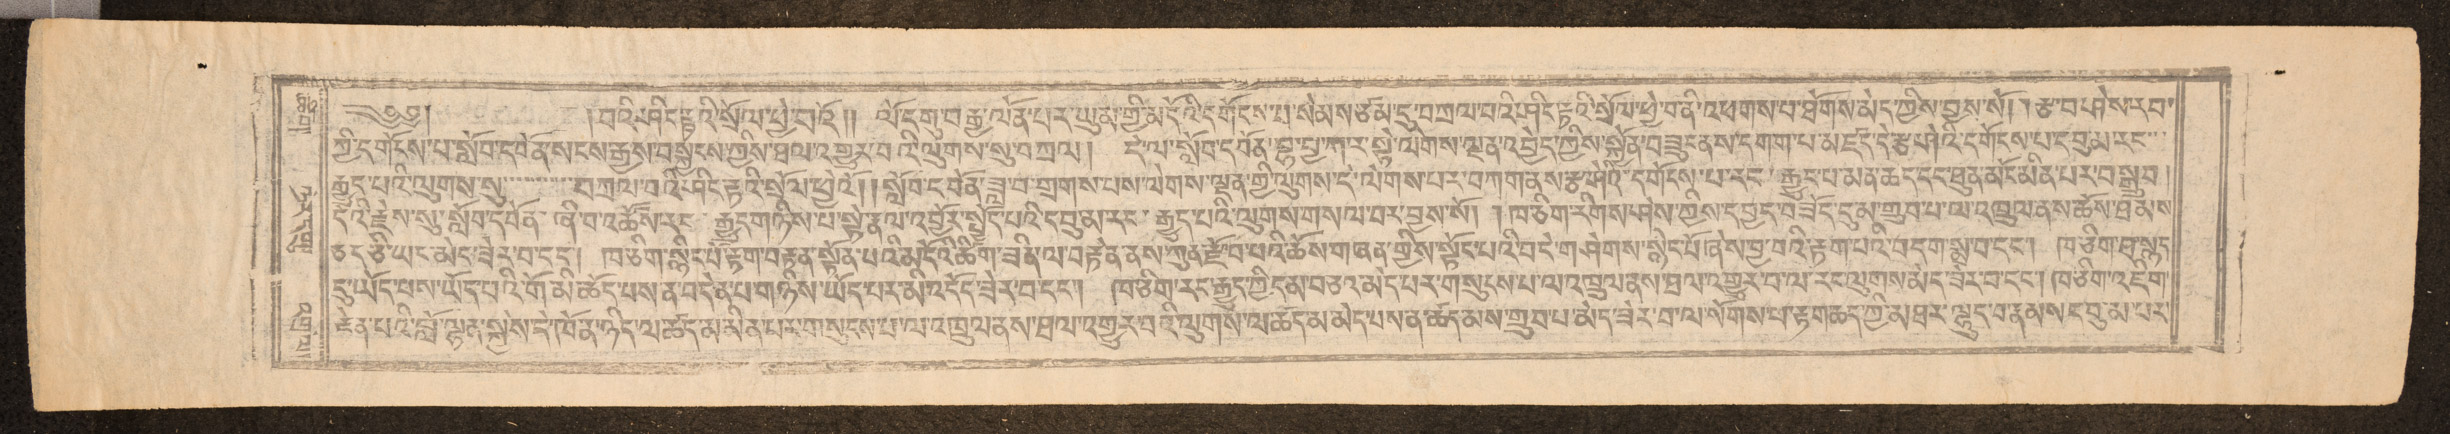༄༅། །བའི་ཤིང་རྟའི་སྲོལ་ཕྱེ་བའོ།། ལོ་དགུ་བརྒྱ་ལོན་པར་ཡུམ་གྱི་མདོའི་དགོངས་པ་སེམས་ཙམ་དུ་བཀྲལ་བའི་ཤིང་རྟའི་སྲོལ་ཕྱེ་བ་ནི་འཕགས་པ་ཐོགས་མེད་ཀྱིས་བྱས་སོ། །རྩ་བ་ཤེས་རབ་
ཀྱི་དགོངས་པ་སློབ་དཔོན་སངས་རྒྱས་བསྐྱངས་ཀྱིས་ཐལ་འགྱུར་བའི་ལུགས་སུ་བཀྲལ། དེ་ལ་སློབ་དཔོན་བྷ་བྱ་ཀ་ར་སྟེ་ལེགས་ལྡན་འབྱེད་ཀྱིས་སྐྱོན་བཟུང་ནས་དགག་པ་མཛད་དེ་རྩ་ཤེའི་དགོངས་པ་དབུ་མ་རང་
རྒྱུད་པའི་ལུགས་སུ་བཀྲལ་བའི་ཤིང་རྟའི་སྲོལ་ཕྱེའོ། །སློབ་དཔོན་ཟླ་བ་གྲགས་པས་ལེགས་ལྡན་གྱི་ལུགས་དེ་ལེགས་པར་བཀག་ནས་རྩ་ཤེའི་དགོངས་པ་རང་རྒྱུད་པ་མན་ཆད་དང་ཐུན་མོང་མིན་པར་བསྒྲུབ།
རྡོའི་རྗེས་སུ་སློབ་དཔོན་ཞི་བ་འཚོས་རང་རྒྱུད་གཉིས་པ་སྟེ་རྣལ་འབྱོར་སྤྱོད་པའི་དབུ་མ་རང་རྒྱུད་པའི་ལུགས་གསལ་བར་བྱས་སོ། །ཁ་ཅིག་རིགས་ཤེས་ཀྱིས་དབྱད་བཟོད་དུ་མ་གྲུབ་པ་ལ་འཁྲུལ་ནས་ཆོས་ཐམས་
ཅད་ཅི་ཡང་མེད་ཟེར་བ་དང་། ཁ་ཅིག་སྙིང་པོ་རྟག་བརྟན་སྟོན་པའི་མདོའི་ཚིག་ཟིན་ལ་བརྟེན་ནས་ཀུན་རྫོབ་པའི་ཆོས་གཞན་གྱིས་སྟོང་པའི་བདེ་གཤེགས་སྙིང་པོ་ཞེས་བྱ་བའི་རྟག་པའི་བདག་སྨྲ་བ་དང་། ཁ་ཅིག་ཐ་སྙད་
དུ་ཡོད་པས་ཡོད་པའི་གོ་མི་ཆོད་པས་ན་བདེན་པ་གཉིས་ཡོད་པར་མི་འདོད་ཟེར་བ་དང་། ཁ་ཅིག་རང་རྒྱུད་ཀྱི་དམ་བཅའ་མེད་པར་གསུངས་པ་ལ་འཁྲུལ་ནས་ཐལ་འགྱུར་བ་ལ་རང་ལུགས་མེད་ཟེར་བ་དང་། ཁ་ཅིག་འཇིག་
རྟེན་པའི་བློ་ལྷན་སྐྱེས་དེ་ཁོ་ན་ཉིད་ལ་ཚད་མ་མིན་པར་གསུངས་པ་ལ་འཁྲུལ་ནས་ཐལ་འགྱུར་བའི་ལུགས་ལ་ཚད་མ་མེད་པས་ན་ཚད་མས་གྲུབ་པ་མེད་ཟེར་བ་ལ་སོགས་པ་རྟག་ཆད་ཀྱི་མཐར་ལྷུང་བ་རྣམས་དབུ་མ་པར་